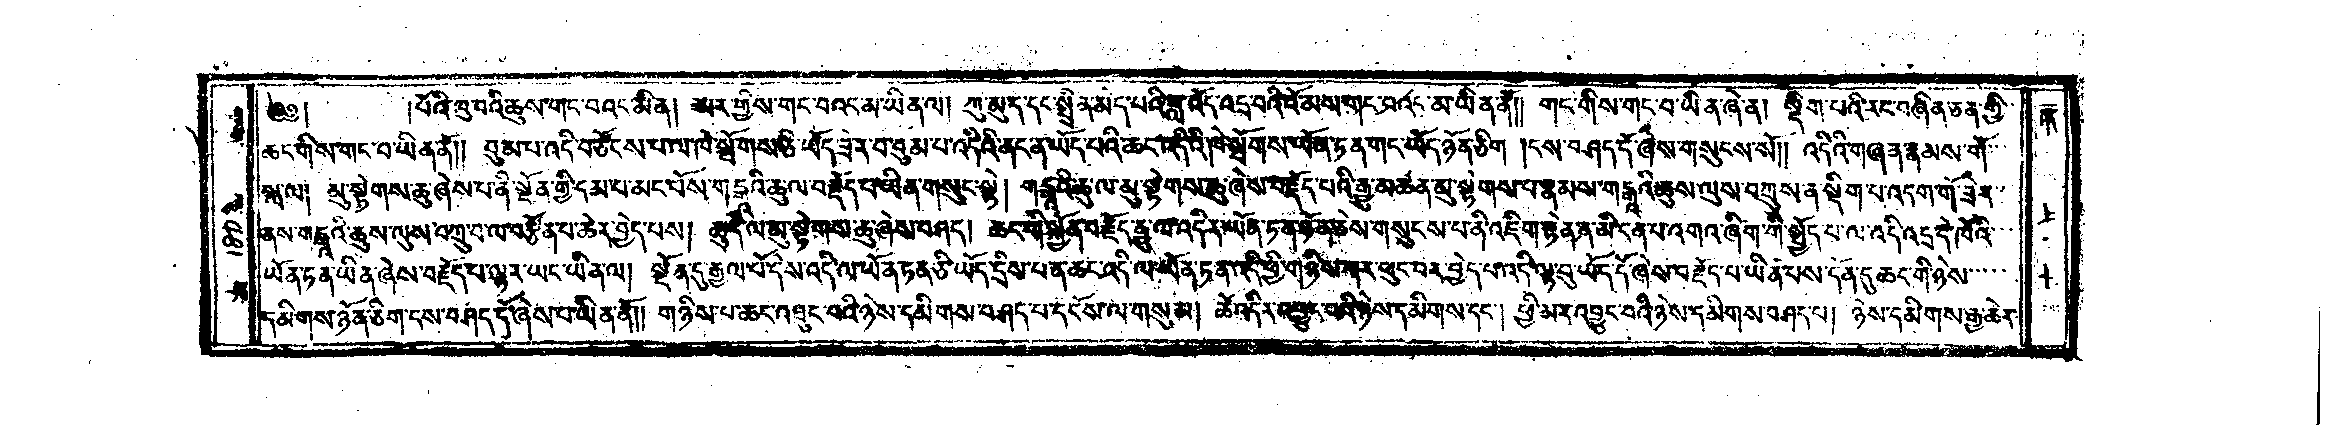༄༅། །པོའི་ཁུ་བའི་ཆུས་གང་བའང་མིན། མར་གྱིས་གང་བའང་མ་ཡིན་ལ། ཀུ་མུ་ད་དང་སྤྲིན་མེད་པའི་ཟླ་འོད་འདྲ་བའི་འོ་མས་གང་བའང་མ་ཡིན་ནོ།། གང་གིས་གང་བ་ཡིན་ཞེ་ན། སྡིག་པའི་རང་བཞིན་ཅན་གྱི་
ཆང་གིས་གང་བ་ཡིན་ནོ།། བུམ་པ་འདི་བཙོངས་པ་ལ་ཁེ་སྤོགས་ཅི་ཡོད་ཟེར་བ་བུམ་པ་འདིའི་ནང་ན་ཡོད་པའི་ཆང་འདིའི་ཁེ་སྤོགས་ཡོན་ཏན་གང་ཡོད་ཉོན་ཅིག །ངས་བཤད་དོ་ཞེས་གསུངས་སོ།། འདིའི་གཞན་རྣམས་གོ་
སླ་ལ༑ མུ་སྟེགས་ཆུ་ཞེས་པ་ནི་སྔོན་གྱི་དམ་པ་མང་པོས་གངྒཱའི་ཆུ་ལ་བརྗོད་པ་ཡིན་གསུང་སྟེ། གངྒཱའི་ཆུ་ལ་མུ་སྟེགས་ཆུ་ཞེས་བརྗོད་པའི་རྒྱུ་མཚན་མུ་སྟེགས་པ་རྣམས་གངྒཱའི་ཆུས་ལུས་བཀྲུས་ན་སྡིག་པ་འདག་གོ་ཟེར་
ནས་གངྒཱའི་ཆུས་ལུས་བཀྲུ་བ་ལ་བརྩོན་པ་ཆེར་བྱེད་པས། ཆུ་དེ་ལ་མུ་སྟེགས་ཆུ་ཞེས་བཤད། ཆང་གི་སྐྱོན་བརྗོད་རྒྱུ་ལ་འདིར་ཡོན་ཏན་ཉོན་ཅེས་གསུངས་པ་ནི་འཇིག་རྟེན་ན་མི་ངན་པ་འགའ་ཞིག་གི་སྤྱོད་པ་ལ་འདི་འདྲ་དེ་ཁོའི་
ཡོན་ཏན་ཡིན་ཞེས་བརྗོད་པ་ལྟར་ཡང་ཡིན་ལ། སྔོན་དུ་རྒྱལ་པོ་དེས་འདི་ལ་ཡོན་ཏན་ཅི་ཡོད་དྲིས་པ་ན་ཆང་འདི་ལ་ཡོན་ཏན་འདི་ཕྱི་གཉིས་ཀར་ཕུང་བར་བྱེད་པ་འདི་ལྟ་བུ་ཡོད་དོ་ཞེས་བརྗོད་པ་ཡིན་པས་དོན་དུ་ཆང་གི་ཉེས་
དམིགས་ཉོན་ཅིག་ངས་བཤད་དོ་ཞེས་པ་ཡིན་ནོ།། གཉིས་པ་ཆང་འཐུང་བའི་ཉེས་དམིགས་བཤད་པ་དངོས་ལ་གསུམ། ཚེ་འདིར་འབྱུང་བའི་ཉེས་དམིགས་དང་། ཕྱི་མར་འབྱུང་བའི་ཉེས་དམིགས་བཤད་པ། ཉེས་དམིགས་རྒྱ་ཆེར་